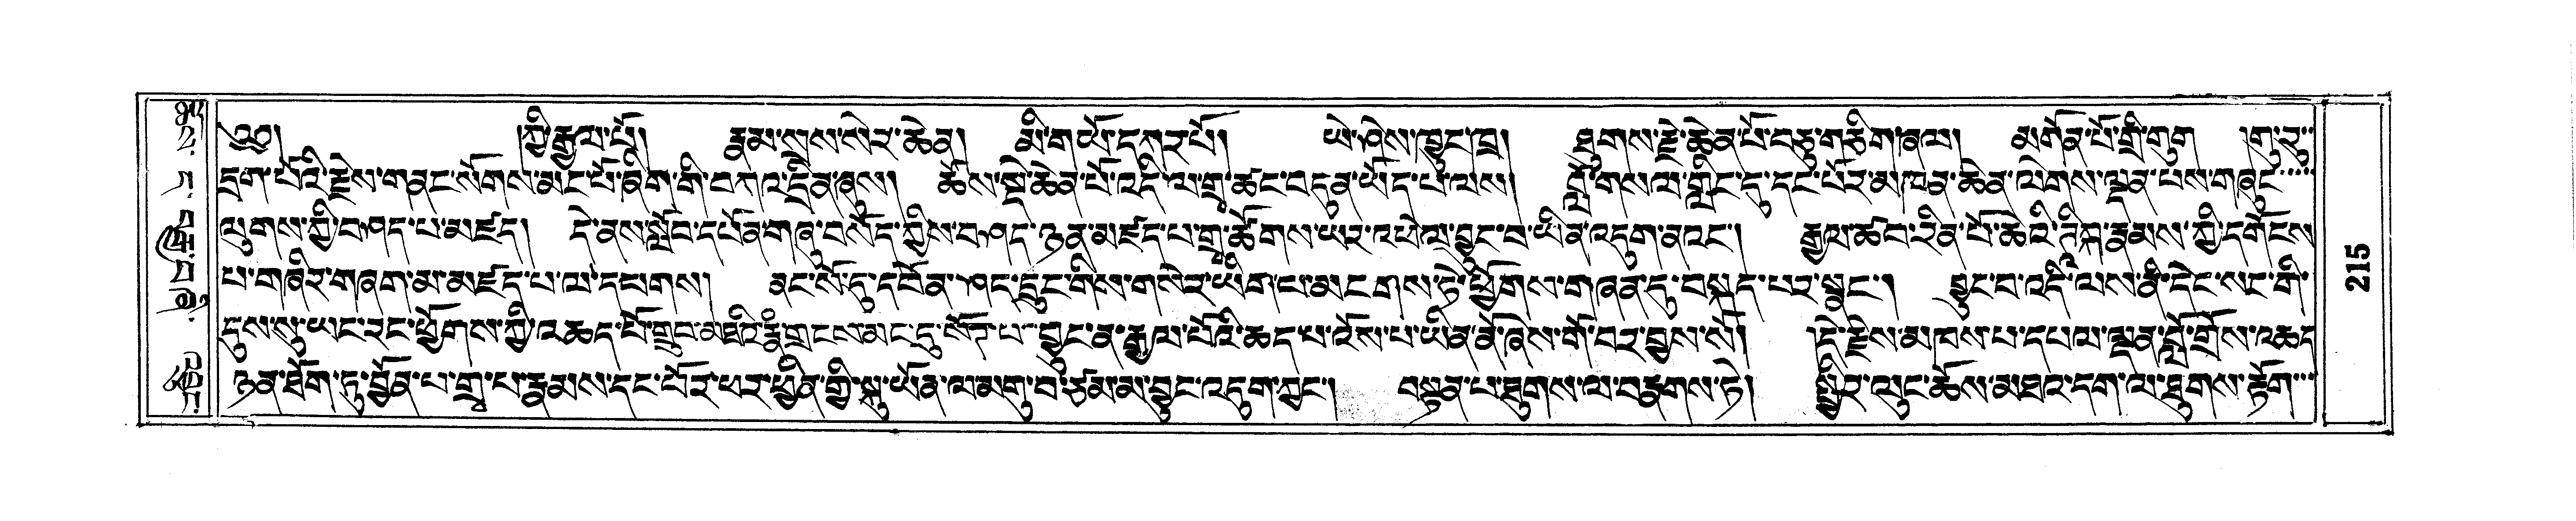༄༅། །ཀྱི་རྒྱལ་པོ། རྣམ་སྲས་སེར་ཆེན། མི་གཡོ་དཀར་པོ། ཡེ་ཤེས་ཁྱུང་ཁྲ། ཐུགས་རྗེ་ཆེན་པོ་བཅུ་གཅིག་ཞལ། མགོན་པོ་གྲི་གུག །གུ་རུ་
དྲག་པོའི་རྗེས་གནང་སོགས་མང་པོ་ཞིག་གི་བཀའ་དྲིན་ཞུས། ཆོས་སྡེ་ཆེན་པོ་འདི་ལ་གྲྭ་ཚང་བདུན་ཡོད་པ་ལས། བློ་གསལ་གླིང་དུ་དང་པོར་མཁན་ཆེན་ལེགས་ལྡན་པས་གཞུང་
ལུགས་ཀྱི་བཤད་པ་མཛད། དེ་ནས་སློབ་དཔོན་གཞུ་བསོད་ཀྱིས་བཤད་ཉན་མཛད་པ་གྲྭ་ཚོགས་ཡར་འཕེལ་བྱུང་བ་ཡིན་འདུག་ནའང་། རྒྱལ་ཚབ་རིན་པོ་ཆེའི་ཊཱིཀྐ་རྣམས་ཀྱི་དགོངས་
པ་གཞིར་གཞག་མ་མཛད་པ་ལ་དཔགས། ནང་སོ་དུ་དབོན་ཤད་དྲུང་གིས་གསེར་ཡིག་པ་མངགས་ཏེ་ཕྱོགས་གཞན་དུ་བསྐད་པར་སྣང་། བྱུང་བ་འདི་ལས་ནི་དེང་སང་གི་
དུས་སུ་ཡང་རང་ཕྱོགས་ཀྱི་འཆད་པོ་གྲུབ་མཐའི་རྣཾ་གྲངས་མང་དུ་སོཌ་པ་བྱུང་ན་རྒྱལ་པོའི་ཆད་པ་འོས་པ་ཡིན་ནོ་ཞེས་གོ་བར་བྱས་སོ། །དེ་རྗེས་མཁས་པ་དཔལ་ལྡན་བློ་གྲོས་འཆད་
ཉན་ཐོག་ཏུ་བྱོན་པ་གྲྭ་པ་རྣམས་དང་པོར་ཕར་ཕྱིན་གྱི་སྐུ་ཡོན་ལ་མགུ་བ་ཙམ་མ་བྱུང་འདུག་ཀྱང་། བསྟན་པ་ཐུགས་ལ་བརྣགས་ཏེ། སྤྱིར་ལུང་ཆོས་མཐའ་དག་ལ་ཐུགས་རྟོག་